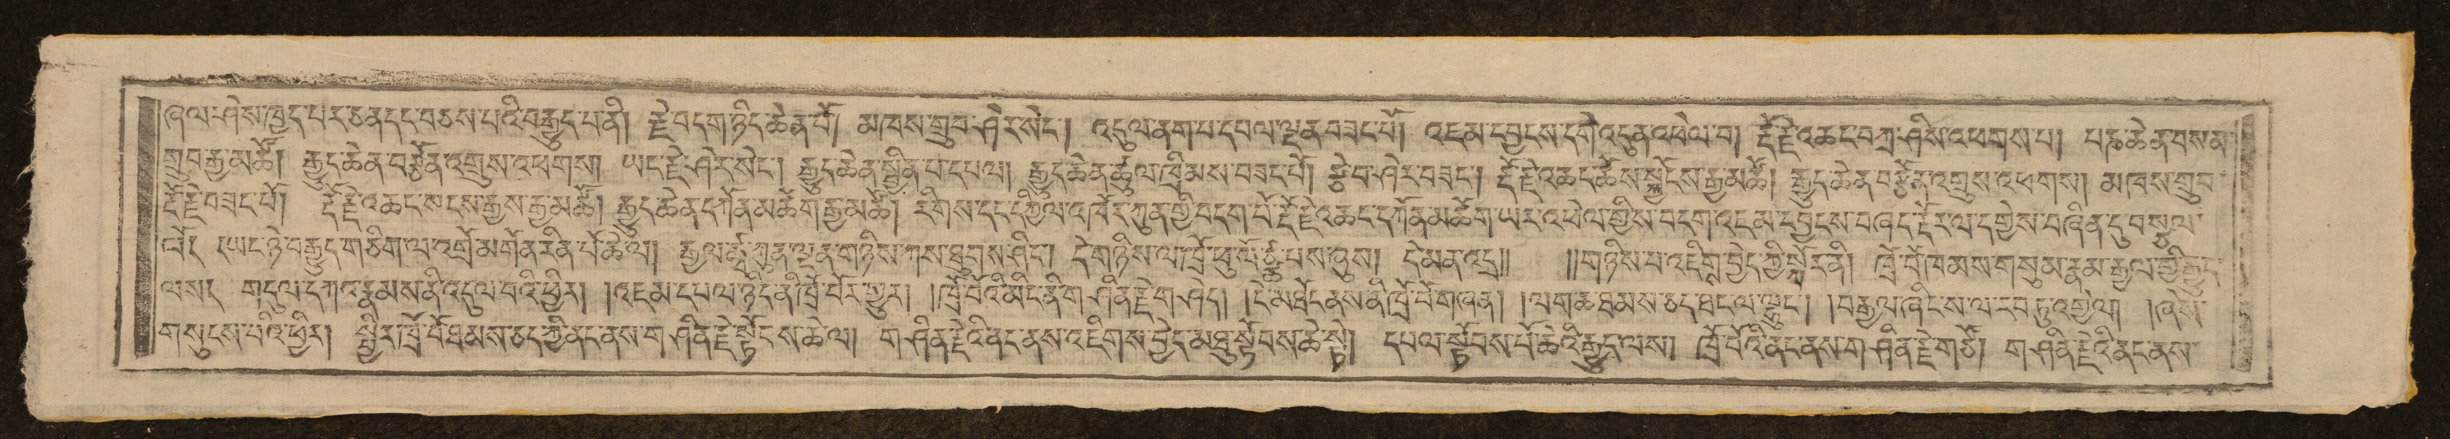ཞལ་ཤེས་ཁྱད་པར་ཅན་དང་བཅས་པའི་བརྒྱུད་པ་ནི། རྗེ་བདག་ཉིད་ཆེན་པོ། མཁས་གྲུབ་ཤེར་སེང་། འདུལ་ནག་པ་དཔལ་ལྡན་བཟང་པོ། འཇམ་དབྱངས་དགེ་འདུན་འཕེལ་བ། རྡོ་རྗེ་འཆང་བཀྲ་ཤིས་འཕགས་པ། པཎ་ཆེན་བསམ་
གྲུབ་རྒྱ་མཚོ། རྒྱུད་ཆེན་བརྩོན་འགྲུས་འཕགས། ཡང་རྗེ་ཤེར་སེང་། རྒྱུད་ཆེན་སྦྱིན་པ་དཔལ། རྒྱུད་ཆེན་ཚུལ་ཁྲིམས་བཟང་པོ། རྩེ་བ་ཤེར་བཟང་། རྡོ་རྗེ་འཆད་ཆོས་སྐྱོངས་རྒྱ་མཚོ། རྒྱུད་ཆེན་བརྩོན་འགྲུས་འཕགས། མཁས་གྲུབ་
རྡོ་རྗེ་བཟང་པོ། རྡོ་རྗེ་འཆང་སངས་རྒྱས་རྒྱ་མཚོ། རྒྱུད་ཆེན་དཀོན་མཆོག་རྒྱ་མཚོ། རིགས་དང་དཀྱིལ་འཁོར་ཀུན་གྱི་བདག་རྡོ་རྗེ་འཆང་དཀོན་མཆོག་ཡར་འཕེལ་གྱིས་བདག་འཇམ་དབྱངས་བཞད་རྡོར་ལ་དགྱེས་བཞིན་དུ་བསྩལ་
ལོ༑ ༑ཡང་ཉེ་བརྒྱུད་གཅིག་ལ་འགྲོ་མགོན་རིན་པོ་ཆེ་ལ། རྒྱལ་ཚྭ་ཀུན་ལྡན་གཉིས་ཀས་ཐུགས་ཤིང་། དེ་གཉིས་ལ་ཁྲོ་ཕུ་ལོ་ཙྪ་པས་ཞུས། དེ་མན་འདྲ།། །།གཉིས་པ་འཇིགས་བྱེད་ཀྱི་སྐོར་ནི། ཁྲོ་བོ་ཁམས་གསུམ་རྣམ་རྒྱལ་གྱི་རྒྱུད་
ལས༑ གདུལ་དཀའ་རྣམས་ནི་འདུལ་བའི་ཕྱིར། །འཇམ་དཔལ་ཉིད་ནི་ཁྲོ་བོར་གྱུར། །ཁྲོ་བོའི་མིང་ནི་གཤིན་རྗེ་གཤེད། །ངེ་མཐོང་ནས་ནི་ཁྲོ་བོ་གཞན། །ལག་ཆ་ཐམས་ཅད་ཐང་ལ་ལྷུང་། ། བརྒྱལ་ཞིང་ས་ལ་རབ་ཏུ་འགྱེལ། །ཞེས་
གསུངས་པའི་ཕྱིར། སྦྱིར་ཁྲོ་བོ་ཐམས་ཅད་ཀྱི་ནང་ནས་གཤིན་རྗེ་སྟོངས་ཆེ་ལ། གཤིན་རྗེའི་ནང་ནས་འཇིགས་བྱེད་མཐུ་སྟོབས་ཆེ་སྟེ། དཔལ་སྟོབས་པོ་ཆེའི་རྒྱུད་ལས། ཁྲོ་བོའི་ནང་ནས་གཤིན་རྗེ་གཙོ། གཤིན་རྗེའི་ནང་ནས་